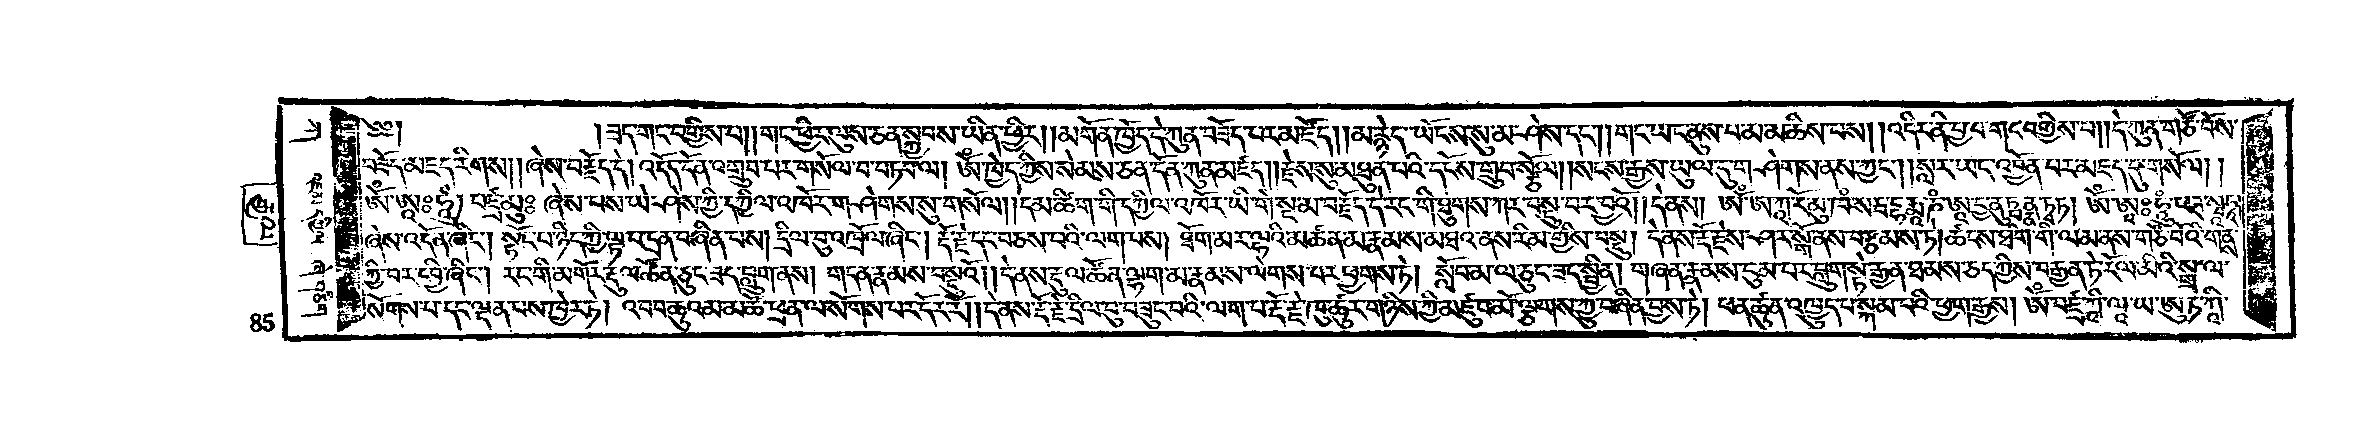༄༅། །ཟད་གང་བགྱིས་པ། །གང་ཕྱིར་ལུས་ཅན་སྐྱབས་ཡིན་ཕྱིར། །མགོན་ཁྱོད་དེ་ཀུན་བཟོད་པར་མཛོད། །མ་རྙེད་ཡོངས་སུ་མ་ཤེས་དང་། །གང་ཡང་ནུས་པ་མ་མཆིས་པས། །འདིར་ནི་བྱ་བ་གང་བགྱིས་པ། །དེ་ཀུན་གཙོ་བོས་
བཟོད་མཛད་རིགས། །ཞེས་བརྗོད་དེ། འདོད་དོན་འགྲུབ་པར་གསོལ་བ་བཏབ་ལ། ཨོཾ་ཁྱེད་ཀྱིས་སེམས་ཅན་དོན་ཀུན་མཛད། །རྗེས་སུ་མཐུན་པའི་དངོས་གྲུབ་སྩོལ། །སངས་རྒྱས་ཡུལ་དུ་གཤེགས་ནས་ཀྱང་། །སླར་ཡང་འབྱོན་པར་མཛད་དུ་གསོལ། །
ཨོཾ་ཨཱཿ ཧཱུཾ། བྫྲ་མུཿ ཞེས་པས་ཡེ་ཤེས་ཀྱི་དཀྱིལ་འཁོར་གཤེགས་སུ་གསོལ། །དམ་ཚིག་གི་དཀྱིལ་འཁོར་ཡི་གེ་སྔ་མ་བརྗོད་དེ་རང་གི་ཐུགས་ཀར་བསྡུ་བར་བྱའོ། །དེ་ནས། ཨོཾ་ཨ་ཀཱ་རོ་མུ་ཁཾ་སརྦ་དྷ་རྨཱ་ཎཾ་ཨཱ་དྱ་ནུཏྤྣྣ་ཏྭ་ཏ། ཨོཾ་ཨཱཿ ཧཱུཾ་ཕཊ་སྭཱ་ཧཱ།
ཞེས་འདོན་ཞིང་། སྟོང་པ་ཉིད་ཀྱི་ལྟ་བ་དྲན་བཞིན་པས། དྲིལ་བུ་འཁྲོལ་ཞིང་། རྡོ་རྗེ་དང་བཅས་པའི་ལག་པས། ཐོག་མར་ལྷའི་མཚན་མ་རྣམས་མཐའ་ནས་རིམ་གྱིས་བསྡུ། དེ་ནས་རྡོ་རྗེས་ཤར་སྒོ་ནས་བརྩམས་ཏེ། ཚངས་ཐིག་གི་ལམ་ནས་གཙོ་བོའི་གནས་
ཀྱི་བར་དབྱི་ཞིང་། རང་གི་མགོར་རྡུལ་ཚོན་ཅུང་ཟད་བླུག་ནས། གདན་རྣམས་བསྡུའོ། །དེ་ནས་རྡུལ་ཚོན་ལྷག་མ་རྣམས་ལེགས་པར་ཕྱགས་ཏེ། སློབ་མ་ལ་ཅུང་ཟད་སྦྱིན། གཞན་རྣམས་དུམ་པར་བླུག་སྟེ་རྒྱན་ཐམས་ཅད་ཀྱིས་བརྒྱན་ཏེ་རོལ་མིའི་སྒྲ་ལ་
སོགས་པ་དང་ལྡན་པས་ཁྱེར་ཏེ། འབབ་ཆུའམ་མཚོ་ཕྲན་ལ་སོགས་པར་དོར་རོ། །དེ་ནས་རྡོ་རྗེ་དྲིལ་བུ་བཟུང་བའི་ལག་པ་རྡོ་རྗེ་ཁུ་ཚུར་གཉིས་ཀྱི་མཛུབ་མོ་ལྕགས་ཀྱུ་བཞིན་བྱས་ཏེ། ཕན་ཚུན་འཁྱུད་པ་སྐམ་པའི་ཕྱག་རྒྱས། ཨོཾ་བྫྲ་ཀཱི་ལཱ་ཡ་ཨུ་ཏ་ཀཱི་